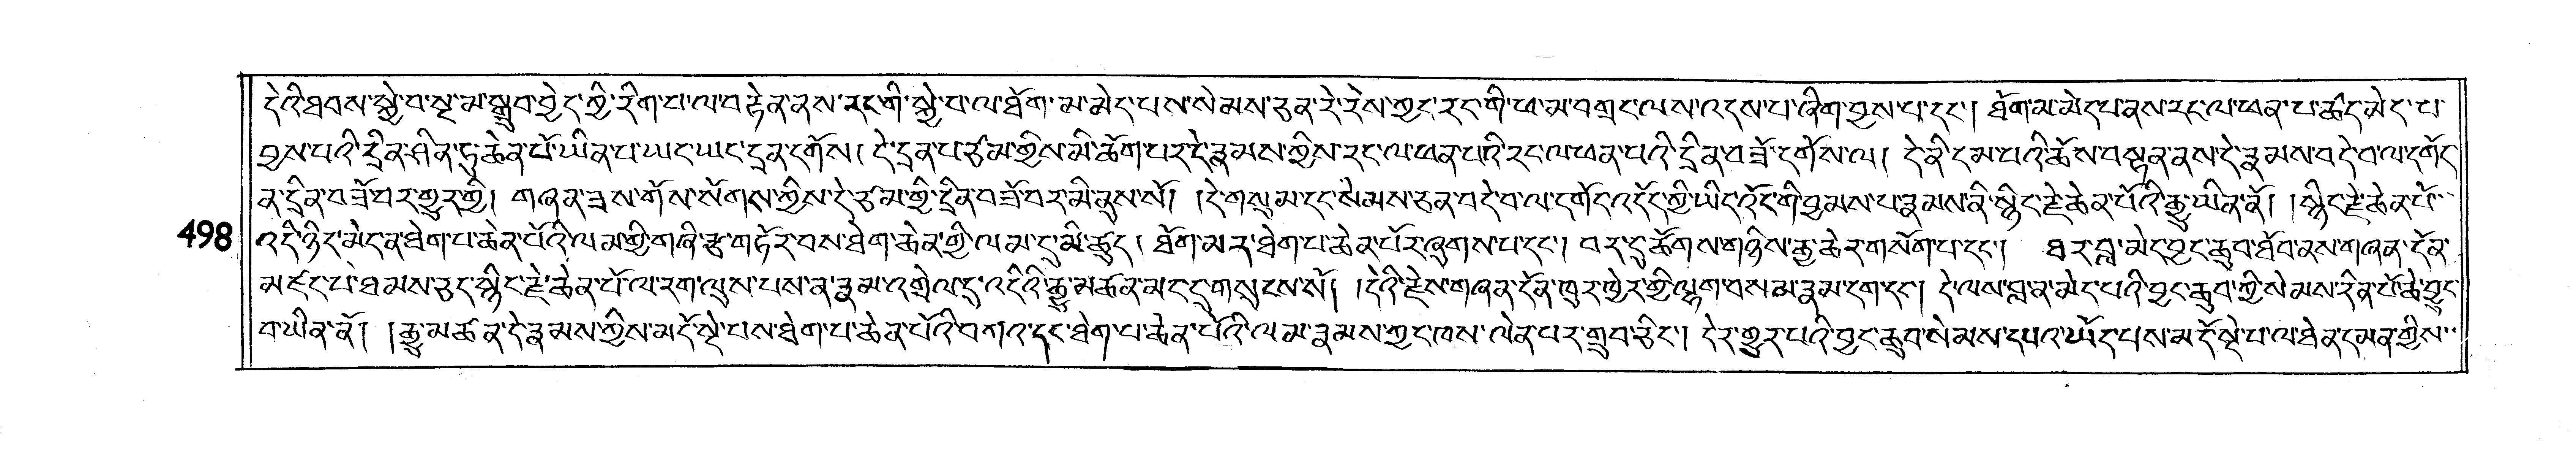དེའི་ཐབས་སྐྱེ་བ་སྔ་མ་སྒྲུབ་བྱེད་ཀྱི་རིག་པ་ལ་བརྟེན་ནས་རང་གི་སྐྱེ་བ་ལ་ཐོག་མ་མེད་པས་སེམས་ཅན་རེ་རེས་ཀྱང་རང་གི་ཕ་མ་བགྲང་ལས་འདས་པ་ཞིག་བྱས་པ་དང་། ཐོག་མ་མེད་པ་ནས་རང་ལ་ཕན་པ་ཚད་མེད་པ་
བྱས་པའི་དྲིན་ཤིན་ཏུ་ཆེན་པོ་ཡིན་པ་ཡང་ཡང་དྲན་དགོས། དེ་དྲན་པ་ཙམ་གྱིས་མི་ཆོག་པར་དེ་རྣམས་ཀྱིས་རང་ལ་ཕན་པའི་རང་ལ་ཕན་པའི་དྲིན་བཟོ་དགོས་ལ། དེ་ནི་དམ་པའི་ཆོས་བསྟན་ནས་དེ་རྣམས་བདེ་བ་ལ་དགོད་
ན་དྲིན་བཟོ་བར་གྱུར་གྱི། གཞན་ཟས་གོས་སོགས་ཀྱིས་དེ་ཙམ་གྱི་དྲིན་བཟོ་བར་མི་ནུས་སོ། །དེ་གསུམ་དང་སེམས་ཅན་བདེ་བ་ལ་དགོད་འདོད་ཀྱི་ཡིད་འོང་གི་བྱམས་པ་རྣམས་ནི་སྙིང་རྗེ་ཆེན་པོའི་རྒྱུ་ཡིན་ནོ། །སྙིང་རྗེ་ཆེན་པོ་
འདི་ཉིད་མེད་ན་ཐེག་པ་ཆེན་པོའི་ལམ་གྱི་གཞི་རྩ་གཏོར་བས་ཐེག་ཆེན་གྱི་ལམ་དུ་མི་ཚུད། ཐོག་མར་ཐེག་པ་ཆེན་པོར་ཞུགས་པ་དང་། བར་དུ་ཚོགས་གཉིས་རྒྱ་ཆེར་གསོག་པ་དང་། ཐར་བླ་མེད་བྱང་ཆུབ་ཐོབ་ནས་གཞན་དོན་
མཛད་པ་ཐམས་ཅད་སྙིང་རྗེ་ཆེན་པོ་ལ་རག་ལུས་པས་ན་རྣམ་འགྲེལ་དུ་འདིའི་རྒྱུ་མཚན་མང་དུ་གསུངས་སོ། །དེའི་རྗེས་གཞན་དོན་ཁུར་ཁྱེར་གྱི་ལྷག་བསམ་རྣམ་དག་དང་། དེ་ལས་བླ་ན་མེད་པའི་བྱང་ཆུབ་ཀྱི་སེམས་རིན་པོ་ཆེ་བྱུང་
བ་ཡིན་ནོ། །རྒྱུ་མཚན་དེ་རྣམས་ཀྱིས་མདོ་སྡེ་པས་ཐེག་པ་ཆེན་པོའི་བཀའ་དང་ཐེག་པ་ཆེན་པོའི་ལམ་རྣམས་ཀྱང་ཁས་ལེན་པར་གྲུབ་ཅིང་། དེར་གྱུར་པའི་བྱང་ཆུབ་སེམས་དཔའ་ཡོད་པས་མདོ་སྡེ་པ་ལ་ཐེན་དམན་གྱིས་